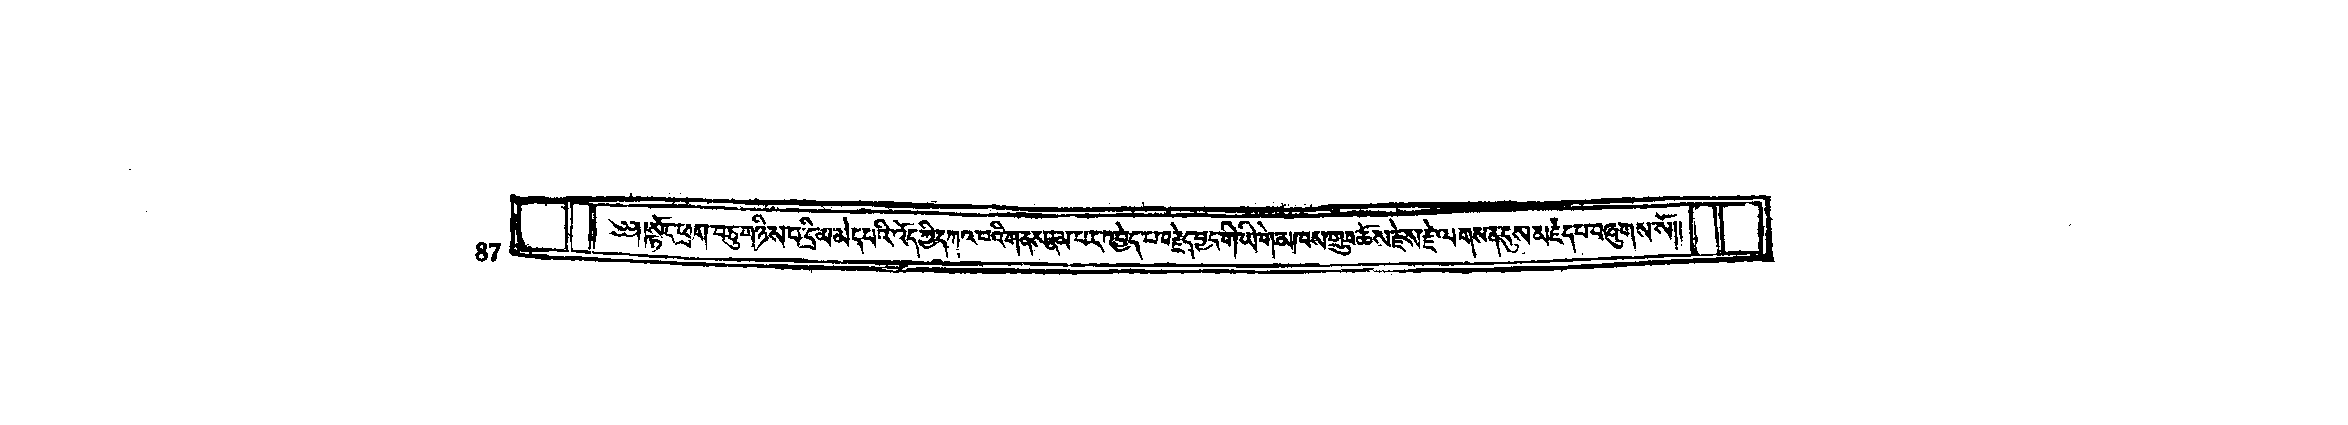༄༅། །སྟོང་ཕྲག་བཅུ་གཉིས་པ་དྲི་མ་མེད་པའི་འོད་ཀྱི་དཀའ་བའི་གནས་རྣམ་པར་འབྱེད་པ་བརྗེད་བྱང་གི་ཡི་གེ་མཁས་གྲུབ་ཆོས་རྗེས་རྗེ་ལ་གསན་དུས་མཛད་པ་བཞུགས་སོ།།